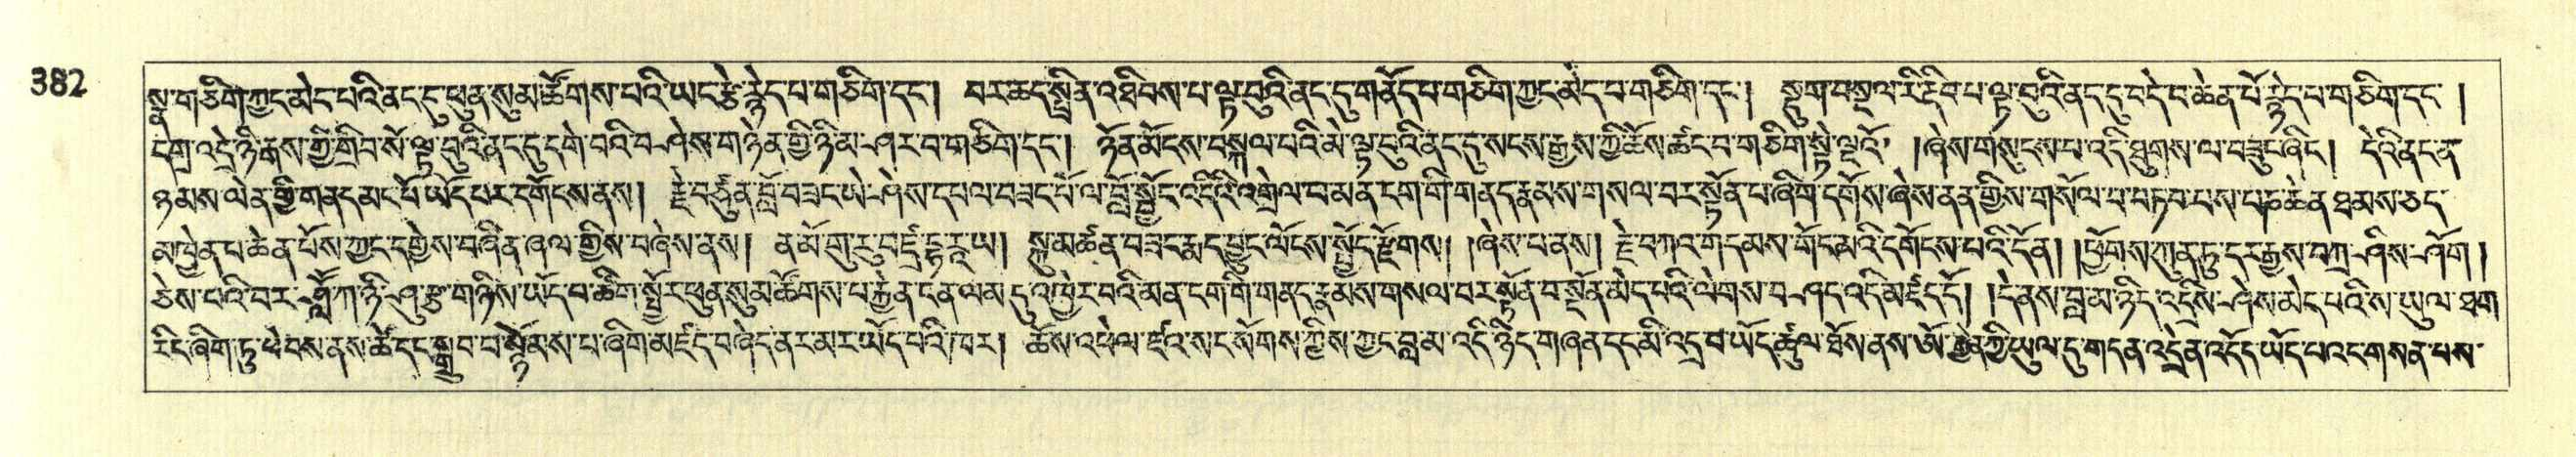སྣ་གཅིག་ཀྱང་མེད་པའི་ནང་དུ་ཕུན་སུམ་ཚོགས་པའི་ཡང་རྩེ་རྙེད་པ་གཅིག་དང་། བར་ཆད་སྤྲིན་འཐིབས་པ་ལྟ་བུའི་ནང་དུ་གནོད་པ་གཅིག་ཀྱང་མེད་པ་གཅིག་དང་། སྡུག་བསྔལ་རི་རྡིབ་པ་ལྟ་བུའི་ནང་དུ་བདེ་པ་ཆེན་པོ་རྙེད་པ་གཅིག་དང་།
དགྲ་འདྲེ་ཉི་རྒས་གྱི་གྲིབ་སོ་ལྟ་བུའི་ནང་དུ་དགེ་བའི་བཤེས་གཉེན་གྱི་ཉི་མ་ཤར་བ་གཅིག་དང་། ཉོན་མོངས་བསྐལ་པའི་མེ་ལྟ་བུའི་ནང་དུ་སངས་རྒྱས་ཀྱི་ཆོས་ཚང་བ་གཅིག་སྟེ་ལྔའོ། །ཞེས་གསུངས་པ་འདི་ཐུགས་ལ་བཟུང་ཞིང་། དེའི་ནང་ན་
ཉམས་ལེན་གྱི་གནད་མང་པོ་ཡོད་པར་དགོངས་ནས། རྗེ་བཙུན་བློ་བཟང་ཡེ་ཤེས་དཔལ་བཟང་པོ་ལ་བློ་སྦྱོང་འདིའི་འགྲེལ་པ་མན་ངག་གི་གནད་རྣམས་གསལ་བར་སྟོན་པ་ཞིག་དགོས་ཞེས་ནན་གྱིས་གསོལ་བ་བཏབ་པས་པཎ་ཆེན་ཐམས་ཅད་
མཁྱེན་པ་ཆེན་པོས་ཀྱང་དགྱེས་བཞིན་ཞལ་གྱིས་བཞེས་ནས། ན་མོ་གུ་རུ་བཛྲ་དྷ་རཱ་ཡ། སྐུ་མཚན་བཟང་རྨད་བྱུང་ལོངས་སྤྱོད་རྫོགས། །ཞེས་པ་ནས། རྗེ་བཀའ་གདམས་གོང་མའི་དགོངས་པའི་དོན། །ཕྱོགས་ཀུན་ཏུ་དར་རྒྱས་བཀྲ་ཤིས་ཤོག །
ཅེས་པའི་བར་ཤླཽ་ཀ་ཉི་ཤུ་རྩ་གཉིས་ཡོད་པ་ཚིག་སྦྱོར་ཕུན་སུམ་ཚོགས་པ་རྐྱེན་ངན་ལམ་དུ་འཁྱེར་བའི་མན་ངག་གི་གནད་རྣམས་གསལ་བར་སྟོན་བ་སྔོན་མེད་པའི་ལེགས་བཤད་འདི་མཛད་དོ། །དེ་ནས་བླ་མ་ཉིད་འདྲིས་ཤེས་མེད་པའི་ས་ཡུལ་ཐག་
རིང་ཞིག་ཏུ་ཕེབས་ནས་ཚེ་དང་སྒྲུབ་བ་སྙོམས་པ་ཞིག་མཛད་བཞེད་ནར་མར་ཡོད་པའི་ཁར། ཆོས་འཕེལ་ཛའ་སང་སོགས་ཀྱིས་ཀྱང་བླ་མ་འདི་ཉིད་གཞན་དང་མི་འདྲ་བ་ཡོད་ཚུལ་ཐོས་ནས་ཨོ་རྒྱེན་ཀྱི་ཡུལ་དུ་གདན་འདྲེན་འདོད་ཡོད་པའང་གསན་པས་